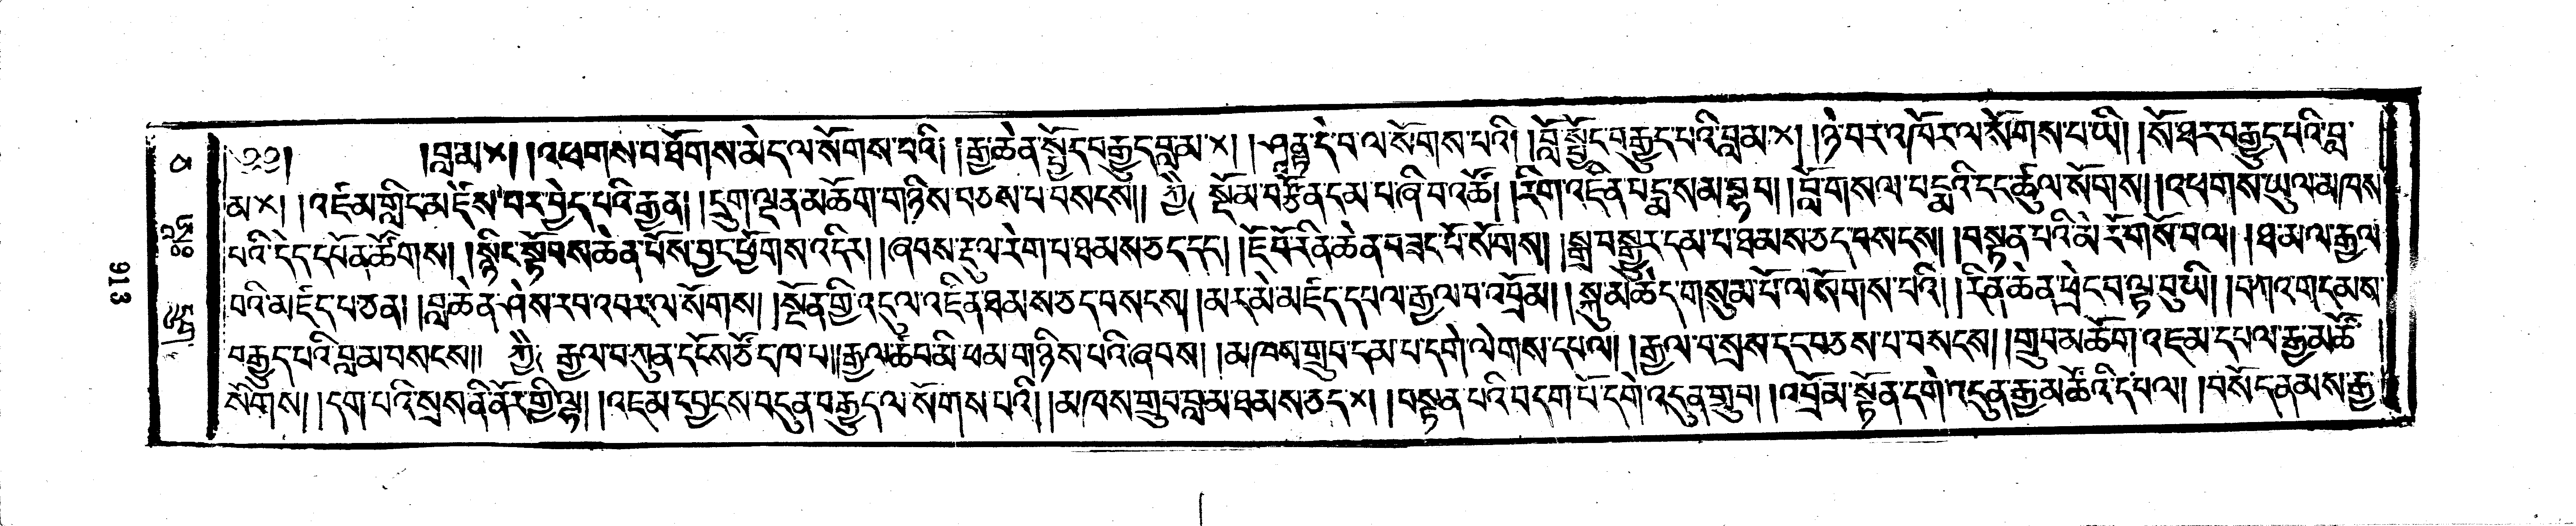༄༅། །བླ་མ་྾། །འཕགས་པ་ཐོགས་མེད་ལ་སོགས་པའི། །རྒྱ་ཆེན་སྤྱོད་བརྒྱུད་བླ་མ་྾། །ཤཱནྟ་དེ་བ་ལ་སོགས་པའི། །བློ་སྦྱོང་བརྒྱུད་པའི་བླ་མ་྾། །ཉེ་བར་འཁོར་ལ་སོགས་པ་ཡི། །སོ་ཐར་བརྒྱུད་པའི་བླ་
མ་྾། །འཛམ་གླིང་མཛེས་པར་བྱེད་པའི་རྒྱན། །དྲུག་ལྡན་མཆོག་གཉིས་བཅས་པ་བསངས།། ཀྱཻ༑ སྡོམ་བརྩོན་དམ་པ་ཞི་བ་འཚོ། །རིག་འཛིན་པདམ་སམ་བྷ་བ། །བློ་གསལ་པདམ་ངང་ཚུལ་སོགས། །འཕགས་ཡུལ་མཁས་
པའི་དེད་དཔོན་ཚོགས། །སྙིང་སྟོབས་ཆེན་པོས་བྱང་ཕྱོགས་འདིར། །ཞབས་རྡུལ་རེག་པ་ཐམས་ཅད་དང་། །ཇོ་བོ་རིན་ཆེན་བཟང་པོ་སོགས། །སྒྲ་བསྒྱུར་དམ་པ་ཐམས་ཅད་བསངས། །བསྟན་པའི་མེ་རོ་གསོ་བ་ལ། །ཐ་མལ་རྒྱལ་
བའི་མཛད་པ་ཅན། །བླ་ཆེན་ཤེས་རབ་འབར་ལ་སོགས། །སྔོན་གྱི་འདུལ་འཛིན་ཐམས་ཅད་བསངས། །མར་མེ་མཛད་དཔལ་རྒྱལ་བ་འབྲོམ། །སྐུ་མཆེད་གསུམ་པོ་ལ་སོགས་པའི། །རིན་ཆེན་ཕྲེང་བ་ལྟ་བུ་ཡི། །བཀའ་གདམས་
བརྒྱུད་པའི་བླ་མ་བསངས།། ཀྱཻ༑ རྒྱལ་བ་ཀུན་དངོས་ཙོང་ཁ་པ། །རྒྱལ་ཚབ་མི་ཕམ་གཉིས་པའི་ཞབས། །མཁས་གྲུབ་དམ་པ་དགེ་ལེགས་དཔལ། །རྒྱལ་བ་སྲས་དང་བཅས་པ་བསངས། །གྲུབ་མཆོག་འཇམ་དཔལ་རྒྱ་མཚོ་
སོགས། །དག་པའི་སྲས་ནི་ནོར་གྱི་ལྷ། །འཇམ་དབྱངས་བདུན་བརྒྱུད་ལ་སོགས་པའི། །མཁས་གྲུབ་བླ་མ་ཐམས་ཅད་྾། །བསྟན་པའི་བདག་པོ་དགེ་འདུན་གྲུབ། །འབྲོམ་སྟོན་དགེ་འདུན་རྒྱ་མཚོའི་དཔལ། །བསོད་ནམས་རྒྱ་